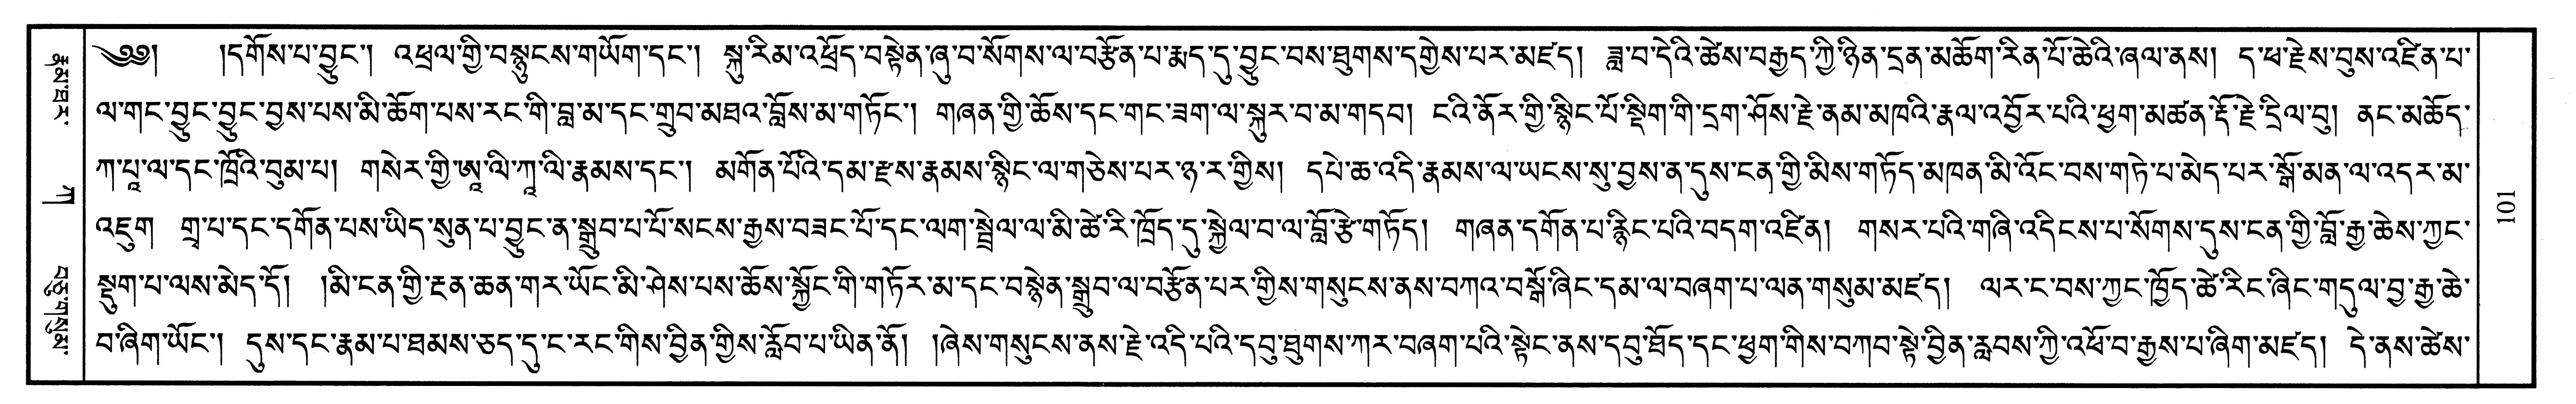༄༅། །དགོས་པ་བྱུང་། འཕྲལ་གྱི་བསྙུངས་གཡོག་དང་། སྐུ་རིམ་འཕྲོད་བསྟེན་ཞུ་བ་སོགས་ལ་བརྩོན་པ་རྨད་དུ་བྱུང་བས་ཐུགས་དགྱེས་པར་མཛད། ཟླ་བ་དེའི་ཚེས་བརྒྱད་ཀྱི་ཉིན་དྲན་མཆོག་རིན་པོ་ཆེའི་ཞལ་ནས། ད་ཕ་རྗེས་བུས་འཛིན་པ་
ལ་གང་བྱུང་བྱུང་བྱས་པས་མི་ཆོག་པས་རང་གི་བླ་མ་དང་གྲུབ་མཐའ་བློས་མ་གཏོང་། གཞན་གྱི་ཆོས་དང་གང་ཟག་ལ་སྐུར་བ་མ་གདབ། ངའི་ནོར་གྱི་སྙིང་པོ་སྡིག་གི་དྲག་ཤོས་རྗེ་ནམ་མཁའི་རྣལ་འབྱོར་པའི་ཕྱག་མཚན་རྡོ་རྗེ་དྲིལ་བུ། ནང་མཆོད་
ཀ་པཱ་ལ་དང་ཁྲོའི་བུམ་པ། གསེར་གྱི་ཨཱ་ལི་ཀཱ་ལི་རྣམས་དང་། མགོན་པོའི་དམ་རྫས་རྣམས་སྙིང་ལ་གཅེས་པར་ཉ་ར་གྱིས། དཔེ་ཆ་འདི་རྣམས་ལ་ཡངས་སུ་བྱས་ན་དུས་ངན་གྱི་མིས་གཏོད་མཁན་མི་འོང་བས་གཏེ་པ་མེད་པར་སྒོ་མན་ལ་འདར་མ་
འཇུག །གྲྭ་པ་དང་དགོན་པས་ཡིད་སུན་པ་བྱུང་ན་སྒྲུབ་པ་པོ་སངས་རྒྱས་བཟང་པོ་དང་ལག་སྦྲེལ་ལ་མི་ཚེ་རི་ཁྲོད་དུ་སྐྱེལ་བ་ལ་བློ་རྩེ་གཏོད། གཞན་དགོན་པ་རྙིང་པའི་བདག་འཛིན། གསར་པའི་གཞི་འདིངས་པ་སོགས་དུས་ངན་གྱི་བློ་རྒྱ་ཆེས་ཀྱང་
སྡུག་པ་ལས་མེད་དོ། །མི་ངན་གྱི་རྔན་ཆན་གར་ཡོང་མི་ཤེས་པས་ཆོས་སྐྱོང་གི་གཏོར་མ་དང་བསྙེན་སྒྲུབ་ལ་བརྩོན་པར་གྱིས་གསུངས་ནས་བཀའ་བསྒོ་ཞིང་དམ་ལ་བཞག་པ་ལན་གསུམ་མཛད། ལར་ང་བས་ཀྱང་ཁྱོད་ཚེ་རིང་ཞིང་གདུལ་བྱ་རྒྱ་ཆེ་
བ་ཞིག་ཡོང་། དུས་དང་རྣམ་པ་ཐམས་ཅད་དུ་ང་རང་གིས་བྱིན་གྱིས་རློབ་པ་ཡིན་ནོ། །ཞེས་གསུངས་ནས་རྗེ་འདི་བའི་དབུ་ཐུགས་ཀར་བཞག་པའི་སྟེང་ནས་དབུ་ཐོད་དང་ཕྱག་གིས་བཀབ་སྟེ་བྱིན་རླབས་ཀྱི་འཕོ་བ་རྒྱས་པ་ཞིག་མཛད། དེ་ནས་ཚེས་